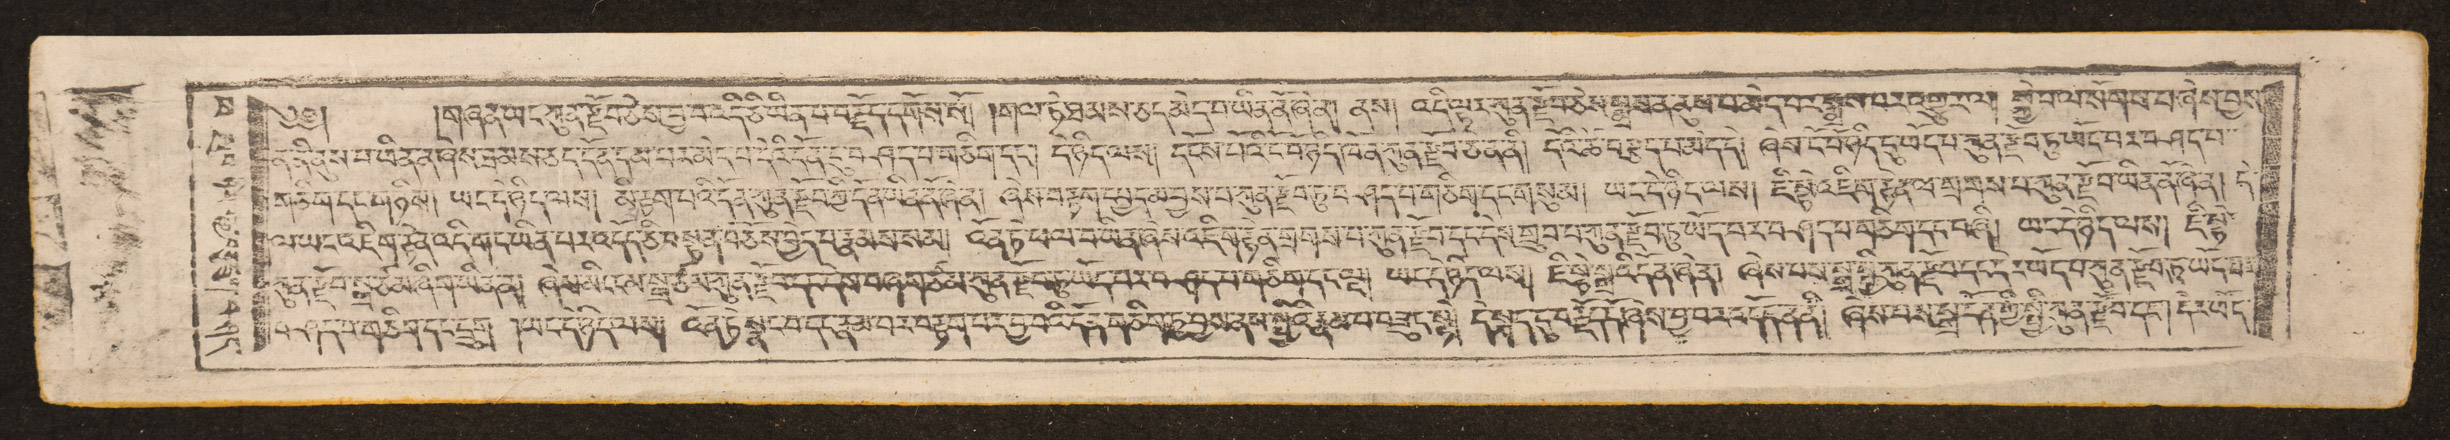༄༅། །གཞན་ཡང་ཀུན་རྫོབ་ཅེས་བྱ་བ་འདི་ཅི་ཡིན་པ་བརྗོད་དགོས་སོ། །གལ་ཏེ་ཐམས་ཅད་མེད་པ་ཡིན་ནོ་ཞེ་ན། ནས། འདི་ལྟར་ཀུན་རྫོབ་ཅེས་སྨྲས་ན་ནུས་པ་མེད་པར་སྨྲས་པར་འགྱུར་ལ། སྐྱེ་པ་ལ་སོགས་པ་ཞེས་བྱས་
ན་ནི་ནུས་པ་ཡིན་ན་ཞེས་ཐམས་ཅད་དོན་དམ་པར་མེད་པ་དེའི་དོན་དུ་བཤད་བ་གཅིག་དང་། དེ་ཉིད་ལས། དངོས་པོའི་ངོ་བོ་ཉིད་ཁོ་ན་ཀུན་རྫོབ་ཅེ་ན་ནི། དེའི་ཚེ་བ་རྩད་པ་མེད་དེ། ཞེས་ངོ་བོ་ཉིད་དུ་ཡོད་པ་ཀུན་རྫོབ་ཏུ་ཡོད་པར་བཤད་པ་
གཅིག་དང་གཉིས། ཡང་དེ་ཉིད་ལས། མི་རྟག་པའི་དོན་ཀུན་རྫོབ་ཀྱི་དོན་ཡིན་ནོ་ཞེ་ན། ཞེས་བརྟག་དཔྱད་མ་བྱས་པ་ཀུན་རྫོབ་ཏུ་བཤད་པས་ཅིག་དང་གསུམ། ཡང་དེ་ཉིད་ལས། ཇི་སྟེ་འཇིག་རྟེན་ལ་གྲགས་པ་ཀུན་རྫོབ་ཡིན་ནོ་ཞེ་ན། དེ་
ལ་ཡང་འཇིག་རྟེན་འདི་གང་ཡིན་པར་འདོད་ཅི་བསྟན་བཅོས་བྱེད་པ་རྣམས་སམ། འོན་ཏེ་ཕལ་བ་ཡིན་ཞེས་འཇིག་རྟེན་གྲགས་པ་ཀུན་རྫོབ་དང་དེས་གྲུབ་པ་ཀུན་རྫོབ་ཏུ་ཡོད་པར་བཤད་པ་གཅིག་དང་བཞི། ཡང་དེ་ཉིད་ལས། ཇི་སྟེ་
ཀུན་རྫོབ་སྒྲ་ཙམ་ཞིག་ཡིན་ན། ཞེས་མིང་ངམ་སྒྲ་ཙམ་ཀུན་རྫོབ་དང་དེས་བཞག་ཙམ་ཀུན་རྫོབ་ཏུ་ཡོད་པར་བཤད་པ་གཅིག་དང་ལྔ། ཡང་དེ་ཉིད་ལས། ཇི་སྟེ་སྒྲའི་དོན་ཞེ་ན། ཞེས་པས་སྒྲ་སྤྱི་ཀུན་རྫོབ་དང་དེར་ཡོད་པ་ཀུན་རྫོབ་ཏུ་ཡོད་པར་
བཤད་པ་གཅིག་དང་དྲུག །ཡང་དེ་ཉིད་ལས། འོན་ཏེ་སྣང་བ་དང་རྣམ་པར་བརྟག་པར་བྱ་བའི་དོན་གཅིག་ཏུ་བྱས་ནས་སྤྱིའི་རྣམ་པ་བཟུང་སྟེ། དེ་སྐད་དུ་བརྗོད་དོ་ཞེས་བྱ་བར་འདོད་ན་ནི། ཞེས་པས་སྒྲ་དོན་གྱི་སྤྱི་ཀུན་རྫོབ་དང་། དེར་ཡོད་